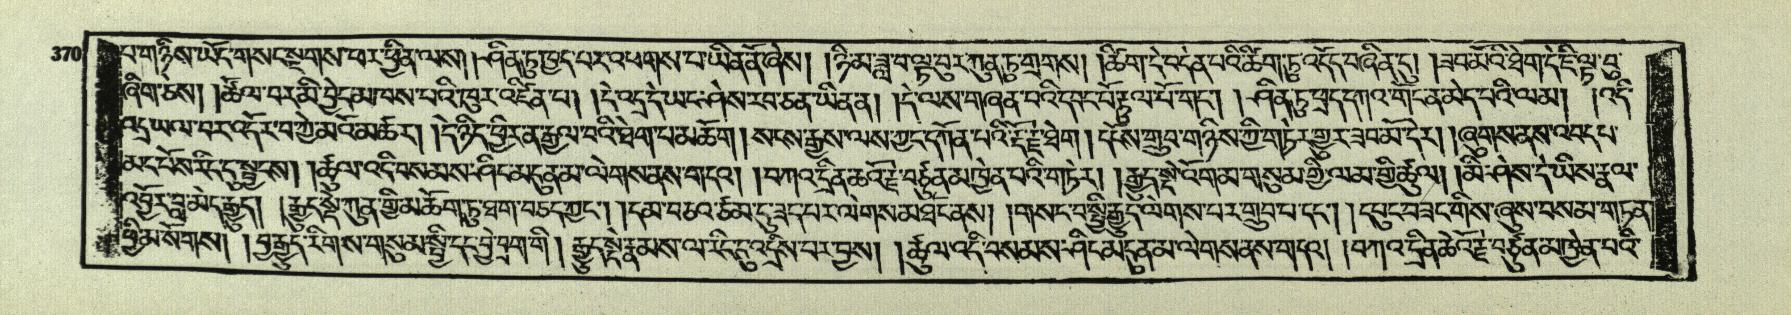པ་གཉིས་ཡོད་གསང་སྡགས་ཕར་ཕྱིན་ལས། །ཤིན་ཏུ་ཁྱད་པར་འཕགས་པ་ཡིན་ནོ་ཞེས། །ཉི་མ་ཟླ་བ་ལྟ་བུར་ཀུན་ཏུ་གྲགས། །ཚིག་དེ་བདེན་པའི་ཚིག་ཏུ་འདོད་བཞིན་དུ། །ཟབ་མོའི་ཐེག་དེ་ཇི་ལྟ་བུ་
ཞིག་ཅེས། །ཚོལ་བར་མི་བྱེད་མཁས་པའི་ཁུར་འཛིན་པ། །དེ་འདྲ་དེ་ཡང་ཤེས་རབ་ཅན་ཡིན་ན། །དེ་ལས་གཞན་པའི་དབང་པོ་རྟུལ་པོ་གང་། །ཤིན་ཏུ་ཕྲད་དཀའ་གོང་ན་མེད་པའི་ལམ། །འདི་
འདྲ་ཡལ་བར་འདོར་བ་ཀྱེ་མའོ་མཚར། །དེ་ཉིད་ཕྱིར་ན་རྒྱལ་བའི་ཐེག་པ་མཆོག། །སངས་རྒྱས་ལས་ཀྱང་དཀོན་པའི་རྡོ་རྗེ་ཐེག །དངོས་གྲུབ་གཉིས་ཀྱི་གཏེར་གྱུར་ཟབ་མོ་དེར། །ཞུགས་ནས་འབད་པ་
མང་པོས་རིང་དུ་སྦྱངས། །ཚུལ་འདི་བསམས་ཤིང་མདུན་མ་ལེགས་ནས་གདའ། །བཀའ་དྲིན་ཆའོ་རྗེ་བཙུན་མཁྱེན་པའི་གཏེར། །རྒྱུད་སྡེ་འོག་མ་གསུམ་གྱི་ལམ་གྱི་ཚུལ། །མི་ཤེས་དེ་ཡིས་རྣལ་
འབྱོར་བླ་མེད་རྒྱུད། །རྒྱུད་སྡེ་ཀུན་གྱི་མཆོག་ཏུ་ཐག་བཅད་ཀྱང་། །དམ་བཅའ་ཙམ་དུ་ཟད་པར་ལེགས་མཐོང་ནས། །གསང་བ་སྤྱི་རྒྱུད་ལེགས་པར་གྲུབ་པ་དང་། །དཔུང་བཟང་གིས་ཞུས་བསམ་གཏན་
ཕྱི་མ་སོགས། །བྱ་རྒྱུད་རིགས་གསུམ་སྤྱི་དང་བྱེ་བྲག་གི་རྒྱུད་སྡེ་རྣམས་ལ་རིང་དུ་འདྲིས་པར་བྱས། །ཚུལ་འདི་བསམས་ཤིང་མདུན་མ་ལེགས་ནས་གདའ། །བཀའ་དྲིན་ཆེའོ་རྗེ་བཙུན་མཁྱེན་པའི་